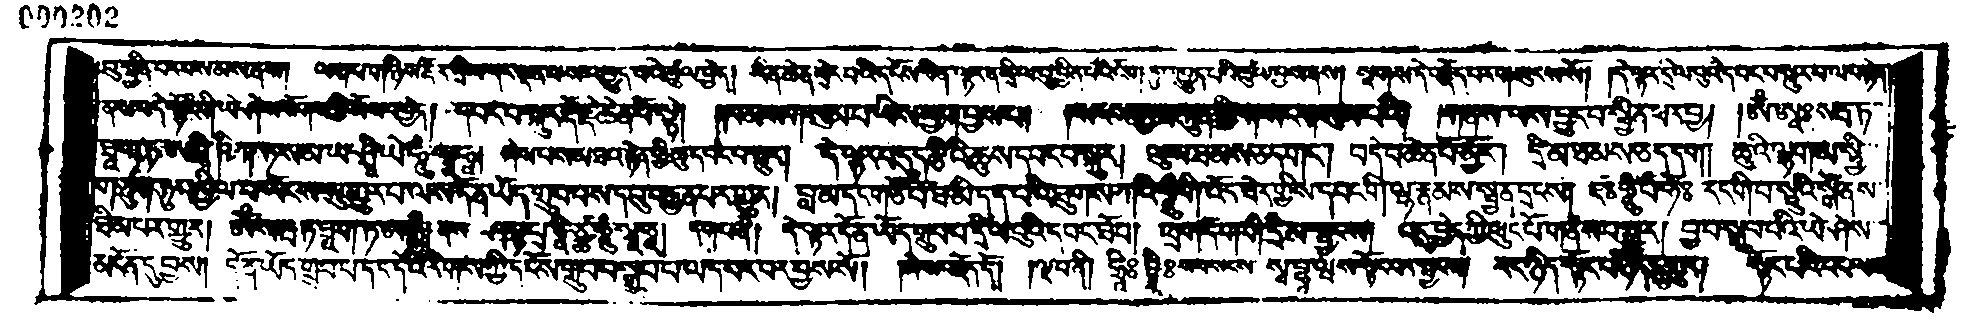བུ་སྦྱིན་པར་བསམས་ནས། ལག་པ་གཉིས་རྡོར་དྲིལ་དང་ལྡན་པས་འཁྱུད་པའི་ཚུལ་བྱེད། རིན་ཆེན་ཕྲེང་བའི་དངོས་ཟིན་ལྟར་ན་དྲིལ་བུ་བྱིན་པའི་འོག་ཏུ་འཁྱུད་པའི་ཚུལ་བྱས་ནས། སྔགས་དེ་བརྗོད་པར་གསུངས་སོ། །དེ་ལྟར་དྲིལ་བུའི་དབང་བསྐུར་བ་ལ་བརྟེན་
ནས་བདེ་སྟོང་གི་ཡེ་ཤེས་སོགས་ཀྱི་མོས་པ་བྱེད། དབང་བསྐུར་རྡོ་རྗེ་ཆེན་པོ་སྟེ། །ཁམས་གསུམ་པ་ཡིས་ཕྱག་བྱས་པ། །སངས་རྒྱས་ཀུན་གྱི་གསང་གསུམ་པའི། །གནས་ལས་བྱུང་བ་སྦྱིན་པར་བྱ། །ཨོཾ་ཨཱཿ སརྦ་ཏ་
ཐཱ་ག་ཏ་ཨ་བྷི་ཥི་ཀ་ཏ་ས་མ་ཡ་ཤྲཱི་ཡེ་ཧཱུཾ་སྭཱཧཱ། ཞེས་པས་མཐའ་རྟེན་གྱི་ཆུ་དབང་བསྐུར།  དེ་ལྟར་བདུད་རྩིའི་ཆུས་དབང་བསྐུར། ལུས་ཐམས་ཅད་གང་། བདེ་བ་ཆེན་པོ་མྱོང་། དྲི་མ་ཐམས་ཅད་དག །ཆུའི་ལྷག་མ་སྤྱི་
གཙུག་ཏུ་འཁྱིལ་པ་ཡོངས་སུ་གྱུར་པ་ལས་དོན་ཡོད་གྲུབ་པས་དབུ་བརྒྱན་པར་གྱུར། བླ་མ་དང་གཙོ་བོ་ཐ་མི་དད་པའི་ཐུགས་ཀའི་ཧཱུཾ་གི་འོད་ཟེར་གྱིས་དབང་གི་ལྷ་རྣམས་སྤྱན་དྲངས། ཛཿ ཧཱུཾ་བཾ་ཧོཿ རང་གི་བ་སྤུའི་སྒོ་ནས་
ཐིམ་པར་གྱུར། ཨོཾ་སརྦ་ཏ་ཐཱ་ག་ཏ་ཨརྒྷཾ། ནས་ཤཔྟ་པྲ་ཏཱི་ཙྪ་ཧཱུཾ་སྭཱཧཱ། དག་པ་ནི། དེ་ལྟར་དོན་ཡོད་གྲུབ་པ་དྲིལ་བུའི་དབང་ཐོབ། ཕྲག་དོག་གི་དྲི་མ་སྦྱངས། འདུ་བྱེད་ཀྱི་ཕུང་པོ་གནས་བསྒྱུར། བྱ་བ་སྒྲུབ་པའི་ཡེ་ཤེས་
མངོན་དུ་བྱས། དོན་ཡོད་གྲུབ་པ་དང་དེའི་རིགས་ཀྱི་དངོས་གྲུབ་བསྒྲུབ་པ་ལ་དབང་བར་བྱས་སོ། །ཞེས་བརྗོད་དོ། །ལྔ་པ་ནི།  ཧྲཱིཿ ཥྚྲཱིཿ ས་བསངས་སྭ་བྷཱ་ཝས་སྟོང་བར་སྦྱངས། རང་ཉིད་སྟོང་པ་ཉིད་དུ་གྱུར། སྟོང་པའི་ངང་ལས་